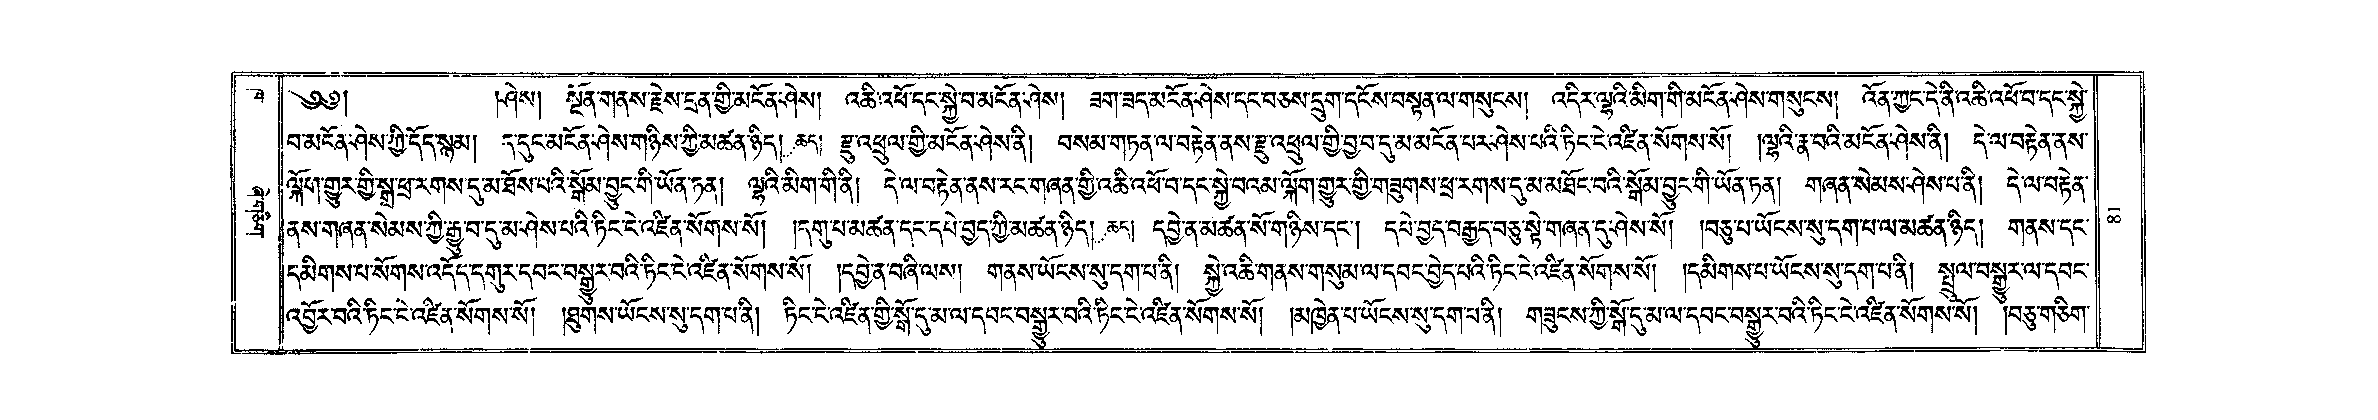༄༅། །ཤེས། སྔོན་གནས་རྗེས་དྲན་གྱི་མངོན་ཤེས། འཆི་འཕོ་དང་སྐྱེ་བ་མངོན་ཤེས། ཟག་ཟད་མངོན་ཤེས་དང་བཅས་དྲུག་དངོས་བསྟན་ལ་གསུངས། འདིར་ལྷའི་མིག་གི་མངོན་ཤེས་གསུངས། འོན་ཀྱང་དེ་ནི་འཆི་འཕོ་བ་དང་སྐྱེ་
བ་མངོན་ཤེས་ཀྱི་དོད་སྙམ། ད་དུང་མངོན་ཤེས་གཉིས་ཀྱི་མཚན་ཉིད། ཆད།  རྫུ་འཕྲུལ་གྱི་མངོན་ཤེས་ནི། བསམ་གཏན་ལ་བརྟེན་ནས་རྫུ་འཕྲུལ་གྱི་བྱ་བ་དུ་མ་མངོན་པར་ཤེས་པའི་ཏིང་ངེ་འཛིན་སོགས་སོ། །ལྷའི་རྣ་བའི་མངོན་ཤེས་ནི། དེ་ལ་བརྟེན་ནས་
ལྐོག་གྱུར་གྱི་སྒྲ་ཕྲ་རགས་དུ་མ་ཐོས་པའི་སྒོམ་བྱུང་གི་ཡོན་ཏན། ལྷའི་མིག་གི་ནི། དེ་ལ་བརྟེན་ནས་རང་གཞན་གྱི་འཆི་འཕོ་བ་དང་སྐྱེ་བའམ་ལྐོག་གྱུར་གྱི་གཟུགས་ཕྲ་རགས་དུ་མ་མཐོང་བའི་སྒོམ་བྱུང་གི་ཡོན་ཏན། གཞན་སེམས་ཤེས་པ་ནི། དེ་ལ་བརྟེན་
ནས་གཞན་སེམས་ཀྱི་རྒྱུ་བ་དུ་མ་ཤེས་པའི་ཏིང་ངེ་འཛིན་སོགས་སོ། །དགུ་པ་མཚན་དང་དཔེ་བྱད་ཀྱི་མཚན་ཉིད། ཆད།  དབྱེ་ན་མཚན་སོ་གཉིས་དང་། དཔེ་བྱད་བརྒྱད་བཅུ་སྟེ་གཞན་དུ་ཤེས་སོ། །བཅུ་པ་ཡོངས་སུ་དག་པ་ལ་མཚན་ཉིད། གནས་དང་
དམིགས་པ་སོགས་འདོད་དགུར་དབང་བསྒྱུར་བའི་ཏིང་ངེ་འཛིན་སོགས་སོ། །དབྱེ་ན་བཞི་ལས། གནས་ཡོངས་སུ་དག་པ་ནི། སྐྱེ་འཆི་གནས་གསུམ་ལ་དབང་བྱེད་པའི་ཏིང་ངེ་འཛིན་སོགས་སོ། །དམིགས་པ་ཡོངས་སུ་དག་པ་ནི། སྤྲུལ་བསྒྱུར་ལ་དབང་
འབྱོར་བའི་ཏིང་ངེ་འཛིན་སོགས་སོ། །ཐུགས་ཡོངས་སུ་དག་པ་ནི། ཏིང་ངེ་འཛིན་གྱི་སྒོ་དུ་མ་ལ་དབང་བསྒྱུར་བའི་ཏིང་ངེ་འཛིན་སོགས་སོ། །མཁྱེན་པ་ཡོངས་སུ་དག་པ་ནི། གཟུངས་ཀྱི་སྒོ་དུ་མ་ལ་དབང་བསྒྱུར་བའི་ཏིང་ངེ་འཛིན་སོགས་སོ། །བཅུ་གཅིག་